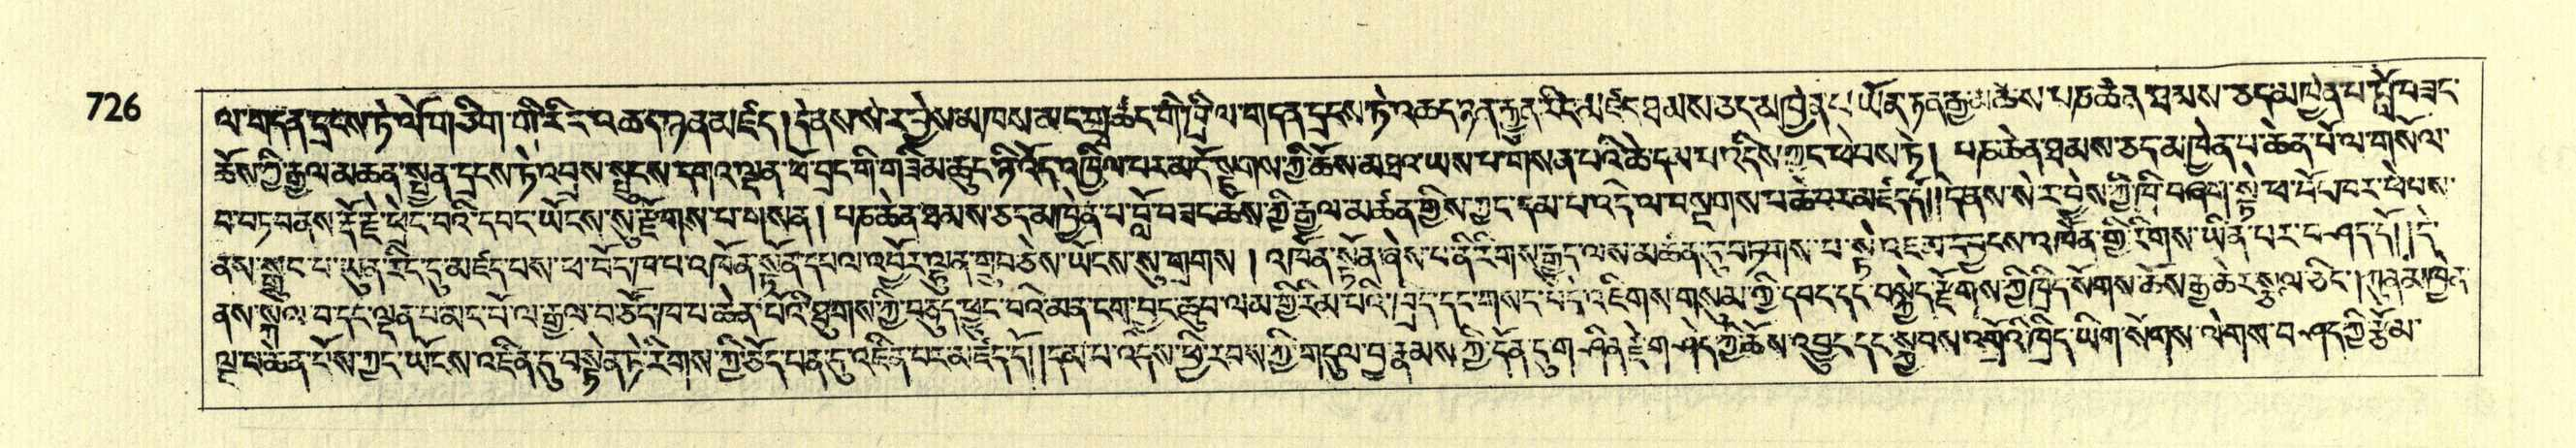ལ་གདན་དྲངས་ཏེ་ལོ་གཅིག་གི་རིང་འཆད་ཉན་མཛད། དེ་ནས་སེར་བྱེས་མཁས་མང་གྲྭ་ཚང་གི་ཁྲི་ལ་གདན་དྲངས་ཏེ་འཆད་ཉན་རྒྱུན་རིང་མཛད་ཐམས་ཅད་མཁྱེན་པ་ཡོན་ཏན་རྒྱ་མཚོས་པཎ་ཆེན་ཐམས་ཅད་མཁྱེན་པ་བློ་བཟང་
ཆོས་ཀྱི་རྒྱལ་མཚན་སྤྱན་དྲངས་ཏེ་འབྲས་སྤུངས་དགའ་ལྡན་ཕོ་བྲང་གི་གཟིམ་ཆུང་ཉི་འོད་འཁྱིལ་པར་མདོ་སྔགས་ཀྱི་ཆོས་མཐའ་ཡས་པ་གསན་པའི་ཆེ་དམ་པ་འདིས་ཀྱང་ཕེབས་ཏེ། པཎ་ཆེན་ཐམས་ཅད་མཁྱེན་པ་ཆེན་པོ་ལ་གསོལ་
བ་བཏབ་ནས་རྡོ་རྗེ་ཕྲེང་བའི་དབང་ཡོངས་སུ་རྫོགས་པ་གསན། པཎ་ཆེན་ཐམས་ཅད་མཁྱེན་པ་བློ་བཟང་ཆོས་ཀྱི་རྒྱལ་མཚན་གྱིས་ཀྱང་དམ་པ་འདི་ལ་བསྔགས་པ་ཆེ་བར་མཛད་དོ། །དེ་ནས་སེ་ར་བྱེས་ཀྱི་ཁྲི་བཞག་སྟེ་ཕ་བོང་ཁར་ཕེབས་
ནས་བསྒྲུབ་པ་ཡུན་རིང་དུ་མཛད་པས་ཕ་བོད་ཁ་བ་འཁོན་སྟོན་དཔལ་འབྱོར་ལྷུན་གྲུབ་ཅེས་ཡོངས་སུ་གྲགས། འཁོན་སྟོན་ཞེས་པ་ནི་རིགས་རྒྱུད་ལས་མཚན་དུ་བཏགས་པ་སྟེ་འཇམ་དབྱངས་འཁོན་གྱི་རིགས་ཡིན་པར་བཤད་དོ། །དེ་
ནས་སྐལ་བ་དང་ལྡན་པ་མང་པོ་ལ་རྒྱལ་བ་ཙོང་ཁ་པ་ཆེན་པོའི་ཐུགས་ཀྱི་བཅུད་ཕུང་བའི་མན་ངག་བྱང་ཆུབ་ལམ་གྱི་རིམ་པའི་ཁྲིད་དང་གསང་བདེ་འཇིགས་གསུམ་གྱི་དབང་དང་བསྐྱེད་རྫོགས་ཀྱི་ཁྲིད་སོགས་ཆོས་རྒྱ་ཆེར་སྩལ་ཅིང་། ཀུན་མཁྱེན་
ལྔ་པ་ཆེན་པོས་ཀྱང་ཡོངས་འཛིན་དུ་བསྟེན་ཏེ་རིགས་ཀྱི་ཅོད་པན་དུ་འཛིན་པར་མཛད་དོ། །དམ་པ་འདིས་ཕྱི་རབས་ཀྱི་གདུལ་བྱ་རྣམས་ཀྱི་དོན་དུ་གཤིན་རྗེ་གཤེད་ཀྱི་ཆོས་འབྱུང་དང་སྐྱབས་འགྲོའི་ཁྲིད་ཡིག་སོགས་ལེགས་བཤད་ཀྱི་རྩོམ་